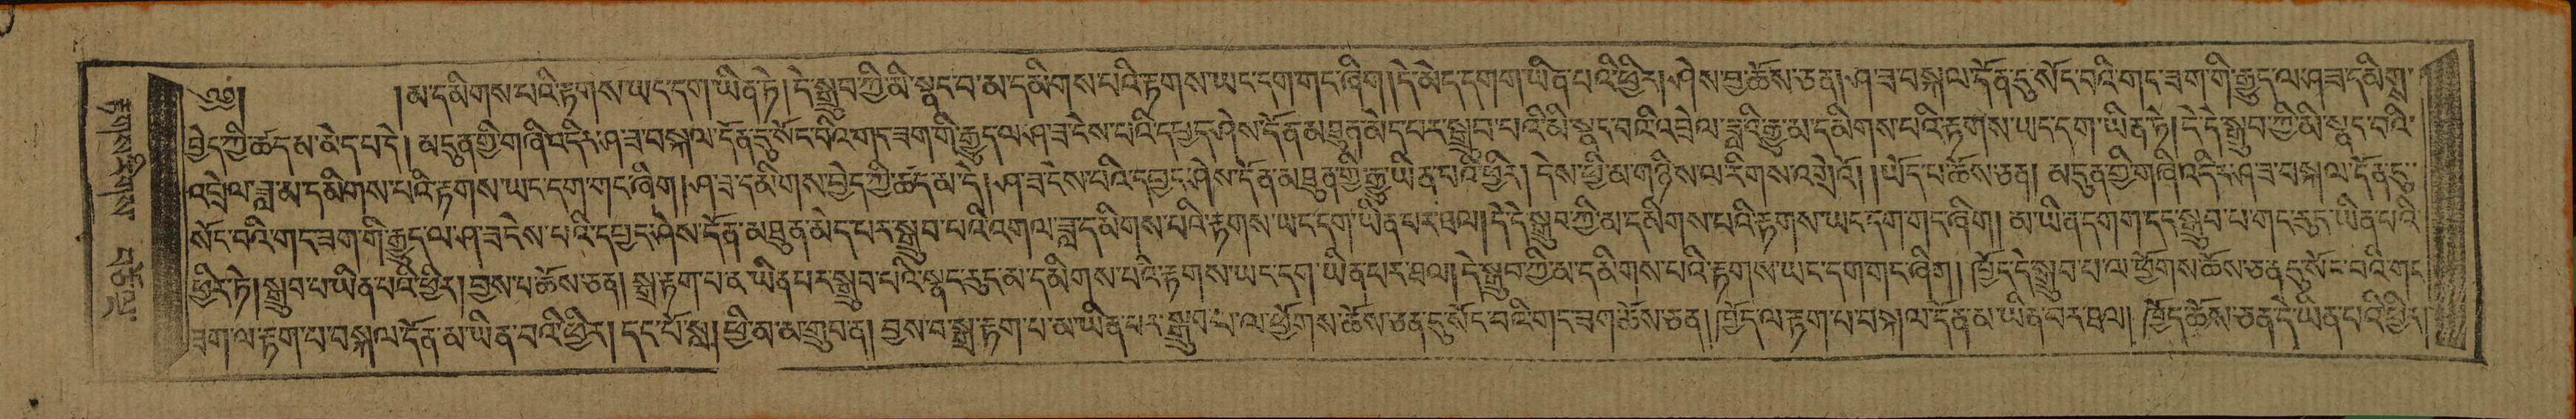༄༅། །མ་དམིགས་པའི་རྟགས་ཡང་དག་ཡིན་ཏེ། དེ་སྒྲུབ་ཀྱི་མི་སྣང་བ་མ་དམིགས་པའི་རྟགས་ཡང་དག་གང་ཞིག །དེ་མེད་དགག་ཡིན་པའི་ཕྱིར། ཤེས་བྱ་ཆོས་ཅན། ཤ་ཟ་བསྐལ་དོན་དུ་སོང་བའི་གང་ཟག་གི་རྒྱུད་ལ་ཤ་ཟ་དམིགས་
བྱེད་ཀྱི་ཚད་མ་མེད་པ་དེ། མདུན་གྱི་གཞི་འདིར་ཤ་ཟ་བསྐལ་དོན་དུ་སོང་བའི་གང་ཟག་གི་རྒྱུད་ལ་ཤ་ཟ་ངེས་པའི་དཔྱད་ཤེས་དོན་མཐུན་མེད་པར་སྒྲུབ་པའི་མི་སྣང་བའི་འབྲེལ་ཟླའི་རྒྱུ་མ་དམིགས་པའི་རྟགས་ཡང་དག་ཡིན་ཏེ། དེ་དེ་སྒྲུབ་ཀྱི་མི་སྣང་བའི་
འབྲེལ་ཟླ་མ་དམིགས་པའི་རྟགས་ཡང་དག་གང་ཞིག །ཤ་ཟ་དམིགས་བྱེད་ཀྱི་ཚད་མ་དེ། ཤ་ཟ་ངེས་པའི་དཔྱད་ཤེས་དོན་མཐུན་གྱི་རྒྱུ་ཡིན་པའི་ཕྱིར། དེས་ཕྱི་མ་གཉིས་ལ་རིགས་འགྲེའོ། །ཡོད་པ་ཆོས་ཅན། མདུན་གྱི་གཞི་འདིར་ཤ་ཟ་བསྐལ་དོན་དུ་
སོང་བའི་གང་ཟག་གི་རྒྱུད་ལ་ཤ་ཟ་ངེས་པའི་དཔྱད་ཤེས་དོན་མཐུན་མེད་པར་སྒྲུབ་པའི་འགལ་ཟླ་དམིགས་པའི་རྟགས་ཡང་དག་ཡིན་པར་ཐལ། དེ་དེ་སྒྲུབ་ཀྱི་མ་དམིགས་པའི་རྟགས་ཡང་དག་གང་ཞིག །མ་ཡིན་དགག་དང་སྒྲུབ་པ་གང་རུང་ཡིན་པའི་
ཕྱིར་ཏེ། སྒྲུབ་པ་ཡིན་པའི་ཕྱིར། བྱས་པ་ཆོས་ཅན། སྒྲ་རྟག་པ་མ་ཡིན་པར་སྒྲུབ་པའི་སྣང་རུང་མ་དམིགས་པའི་རྟགས་ཡང་དག་ཡིན་པར་ཐལ། དེ་སྒྲུབ་ཀྱི་མ་དམིགས་པའི་རྟགས་ཡང་དག་གང་ཞིག །ཁྱོད་དེ་སྒྲུབ་པ་ལ་ཕྱོགས་ཆོས་ཅན་དུ་སོང་བའི་གང་
ཟག་ལ་རྟག་པ་བསྐལ་དོན་མ་ཡིན་པའི་ཕྱིར། དང་པོ་སླ། ཕྱི་མ་མ་གྲུབ་ན། བྱས་པ་སྒྲ་རྟག་པ་མ་ཡིན་པར་སྒྲུབ་པ་ལ་ཕྱོགས་ཆོས་ཅན་དུ་སོང་བའི་གང་ཟག་ཆོས་ཅན། ཁྱོད་ལ་རྟག་པ་བསྐལ་དོན་མ་ཡིན་པར་ཐལ། ཁྱོད་ཆོས་ཅན་དེ་ཡིན་པའི་ཕྱིར།